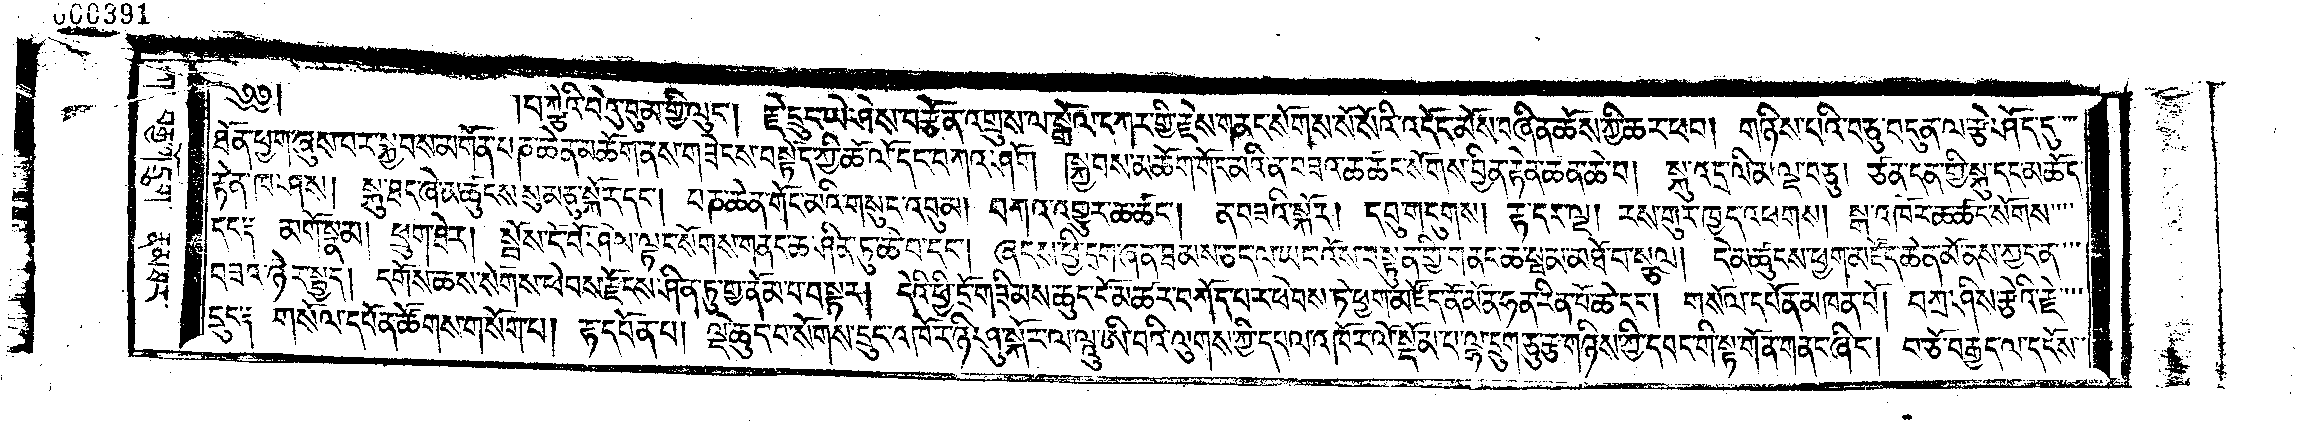༄༅། །པཀྩེའི་བེའུ་བུམ་གྱི་ལུང་། རྗེ་དྲུང་ཡེ་ཤེས་བརྩོན་འགྲུས་ལ་སྒྲོལ་དཀར་གྱི་རྗེས་གནང་སོགས་སོ་སོའི་འདོད་མོས་བཞིན་ཆོས་ཀྱི་ཆར་ཕབ། གཉིས་པའི་བཅུ་བདུན་ལ་རྩེ་ཤོད་དུ་
ཐོན་ཕྱག་ཞུས་པར་སྐྱབས་མགོན་པཎ་ཆེན་མཆོག་ནས་གཟེངས་བསྟོད་ཀྱི་ཆོ་ལོ་དང་བཀའ་ཤོག །སྐྱབས་མཆོག་གོང་མའི་ན་བཟའ་ཆ་ཚང་སོགས་བྱིན་རྟེན་ཚན་ཆེ་བ། སྐུ་འདྲ་ལིམ་ལྔ་བཅུ། ཙན་དན་གྱི་སྐུ་དང་མཆོད་
རྟེན་ཁ་ཤས། སྐུ་ཐང་ཞེ་མཚུངས་སུམ་ཅུ་སྐོར་དང་། པཎ་ཆེན་གོང་མའི་གསུང་འབུམ། བཀའ་འགྱུར་ཆ་ཚང་། ན་བཟའི་སྐོར། དབུ་གདུགས། རྟ་དར་ལྔ། རས་གྲུ་ཁྱད་འཕགས། སྒ་འཁོར་ཆ་ཚང་སོགས་
དང༑ མགོ་སྣམ། ཕྲུག་ཐེར། སྤོས་དོ་བོ་ཤེལ་ལྟང་སོགས་གནང་ཆ་ཤིན་ཏུ་ཆེ་བ་དང་། ཞབས་ཕྱི་དྲ་གཞན་ཐམས་ཅད་ལ་ཡང་འོས་བསྟུན་གྱི་གནང་ཆ་སྤམ་མཐོ་བ་སྩལ། དེ་མཚུངས་ཕྱག་མཛོད་ཆེན་མོ་ནས་ཀྱང་ན་
བཟའ་ཉེར་སྤྱད། དགོས་ཆས་སོགས་ཕེབས་རྫོངས་ཤིན་ཏུ་གྱ་ནོམ་པ་བསྟར། དེའི་ཕྱི་དྲོ་གཟིམས་ཆུང་ངོ་མཚར་བཀོད་པར་ཕེབས་ཏེ་ཕྱག་མཛོད་ནོ་མོན་ཧན་རིན་པོ་ཆེ་དང་། གསོལ་དཔོན་མཁན་པོ། བཀྲ་ཤིས་རྩེའི་རྗེ་
དྲུང༑ གསོལ་དཔོན་ཚོགས་གསོག་པ། རྟ་དབོན་པ། ལྡེ་ཆུང་བ་སོགས་དྲུང་འཁོར་ཉི་ཤུ་སྐོར་ལ་ལཱུ་ཨི་བའི་ལུགས་ཀྱི་དཔལ་འཁོར་ལོ་སྡོམ་པ་ལྷ་དྲུག་ཅུ་རྩ་གཉིས་ཀྱི་དབང་གི་སྟ་གོན་གནང་ཞིང་། བཅོ་བརྒྱད་ལ་དངོས་